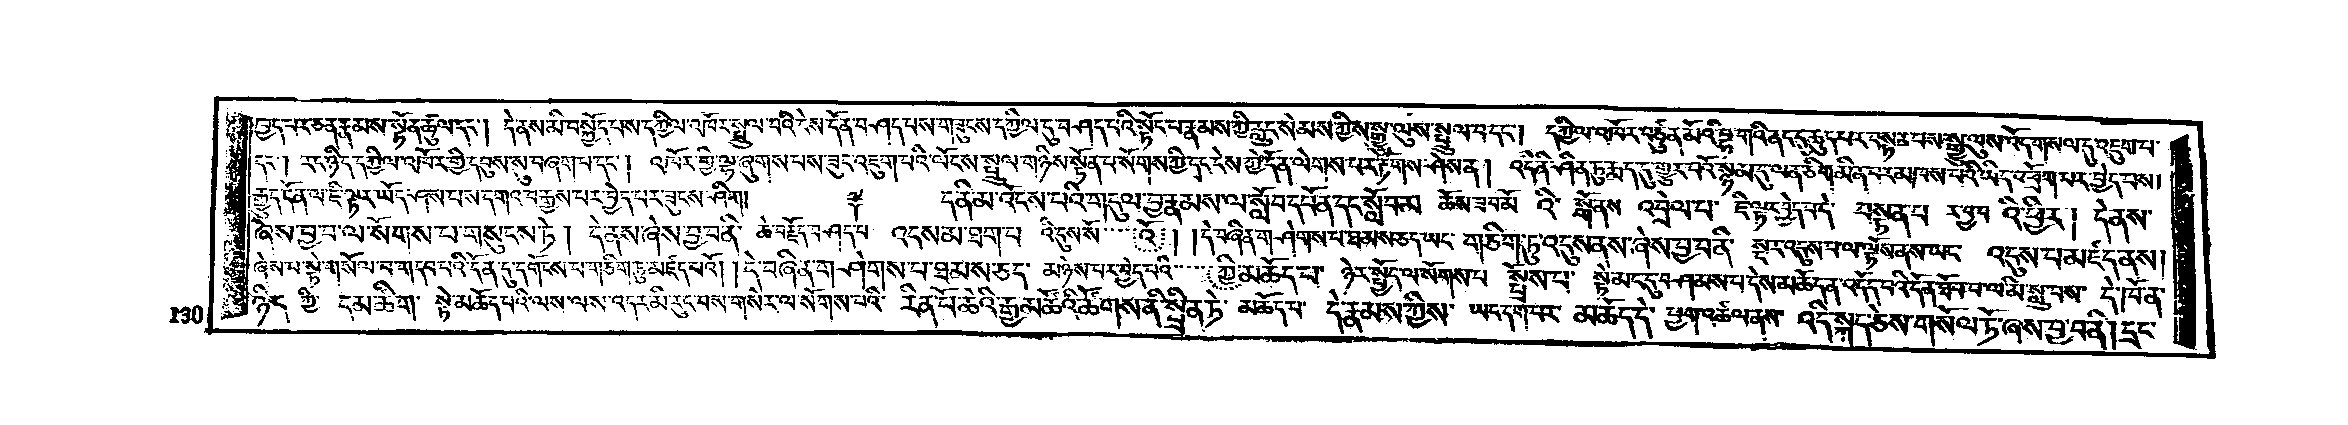ཁྱད་པར་ཅན་རྣམས་སྟོན་ཚུལ་དང་། དེ་ནས་མི་བསྐྱོད་པས་དཀྱིལ་འཁོར་སྤྲུལ་པའི་ངེས་དོན་བཤད་པས་གཟུངས་དཀྱིལ་དུ་བཤད་པའི་སྟོང་པ་རྣམས་ཀྱི་རླུང་སེམས་ཀྱིས་སྒྱུ་ལུས་སྤྲུལ་པ་དང་། དཀྱིལ་འཁོར་བཙུན་མོའི་བྷ་གའི་ནང་དུ་ཆུད་པར་བསྟན་པས་སྒྱུ་ལུས་འོད་གསལ་དུ་འཇུག་པ་
དང་། རང་ཉིད་དཀྱིལ་འཁོར་གྱི་དབུས་སུ་བཞག་པ་དང་། འཁོར་གྱི་ལྷ་ཞུགས་པས་ཟུང་འཇུག་པའི་ལོངས་སྤྲུལ་གཉིས་སྟོན་པ་སོགས་ཀྱི་དྲང་ངེས་ཀྱི་དོན་ལེགས་པར་རྟོགས་ཤེས་ན། འདི་ནི་ཤིན་ཏུ་རྨད་དུ་གྱུར་པའོ་སྙམ་དུ་ལན་ཅིག་མིན་པར་མཁས་པའི་ཡིད་འཕྲོག་པར་བྱེད་པས།
རྒྱུད་དོན་ལ་ཇི་ལྟར་ཡོད་ཤེས་པས་དགའ་བ་རྒྱས་པར་བྱེད་པར་ཟུངས་ཤིག ། ༈ ད་ནི་མ་འོངས་པའི་གདུལ་བྱ་རྣམས་ལ་སློབ་དཔོན་དང་སློབ་མ་ཆོས་ཟབ་མོའི་སྒོ་ནས་འབྲེལ་པ་ཇི་ལྟར་བྱེད་པ་དེ་བསྟན་པར་བྱ་བའི་ཕྱིར། དེ་ནས་
ཞེས་བྱ་བ་ལ་སོགས་པ་གསུངས་ཏེ། དེ་ནས་ཞེས་བྱ་བ་ནི་ཆེ་བརྗོད་བཤད་པ་འདས་མ་ཐག་པའི་དུས་སོ་འོ། །དེ་བཞིན་གཤེགས་པ་ཐམས་ཅད་ཡང་གཅིག་ཏུ་འདུས་ནས་ཞེས་བྱ་བ་ནི་སྔར་འདུས་པ་ལ་ལྟོས་ནས་ཡང་འདུས་པ་མཛད་ནས།
ཞེས་པ་སྟེ་གསོལ་བ་གདབ་པའི་དོན་དུ་དགོངས་པ་གཅིག་ཏུ་མཛད་པའོ། །དེ་བཞིན་གཤེགས་པ་ཐམས་ཅད་མཉེས་པར་བྱེད་པའི་ཀྱི་མཆོད་པ་ཉེར་སྤྱོད་ལ་སོགས་པ་སྤྲོས་པ་སྟེ་མང་དུ་བཤམས་པ་དེས་མཆོད་ན་འདོད་པའི་དོན་ཐོབ་པ་ལ་མི་སླུ་བས་དེ་ཁོ་ན་
ཉིད་ཀྱི་དམ་ཚིག་སྟེ་མཆོད་པའི་ལས་ལས་འདར་མི་རུང་བས་གསེར་ལ་སོགས་པའི་རིན་པོ་ཆེའི་རྒྱ་མཚོའི་ཚོགས་ནི་སྤྲིན་ཏེ་མཆོད་པ་དེ་རྣམས་ཀྱིས་ཡང་དག་པར་མཆོད་དེ་ཕྱག་འཚལ་ནས་འདི་སྐད་ཅེས་གསོལ་ཏོ་ཞེས་བྱ་བ་ནི། དྲང་